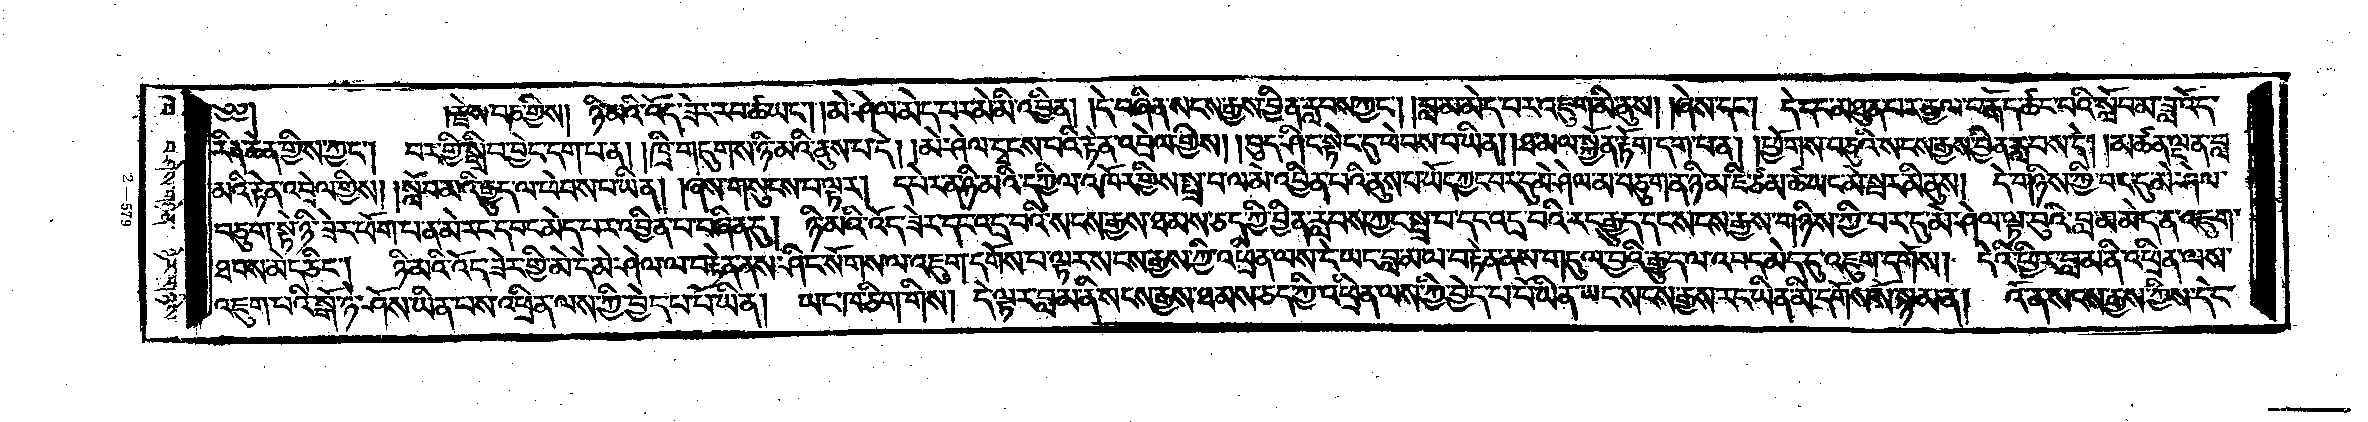༄༅། །རྗེས་བུཎ་གྱིས། ཉི་མའི་བོད་ཟེར་རབ་ཙ་ཡང་། །མེ་ཤེལ་མེད་པར་མེ་མི་འབྱིན། །དེ་བཞིན་སངས་རྒྱས་བྱིན་རླབས་ཀྱང་། །བླ་མ་མེད་པར་འཇུག་མི་ནུས། །ཞེས་དང་། དེ་དང་མཐུན་པར་རྒྱལ་བ་རྒོད་ཚང་པའི་སློབ་མ་ཟླ་འོད་
རིན་ཆེན་གྱིས་ཀྱང་། བར་གྱི་སྒྲིབ་བྱེད་དག་པ་ན། །ཁྲི་གདུགས་ཉི་མའི་ནུས་པ་དེ། །མེ་ཤེལ་དྭངས་པའི་རྟེན་འབྲེལ་གྱིས། །བུད་ཤིང་སྟེང་དུ་ཕེབས་པ་ཡིན། །ཐ་མལ་སྐྱོན་རྟོག་དག་པ་ན། །ཕྱོགས་བཅུའི་སངས་རྒྱས་བྱིན་རླབས་དེ། །མཚན་ལྡན་བླ་
མའི་རྟེན་འབྲེལ་གྱིས། །སློབ་མའི་རྒྱུད་ལ་ཕེབས་པ་ཡིན། །ཞེས་གསུངས་པ་ལྟར། དཔེར་ན་ཉི་མའི་དཀྱིལ་འཁོར་གྱིས་སྤྲ་བ་ལ་མེ་འབྱིན་པའི་ནུས་པ་ཡོད་ཀྱང་བར་དུ་མེ་ཤེལ་མ་བཅུག་ན་ཉི་མ་ཇི་ཙམ་ཚ་ཡང་མེ་སྦར་མི་ནུས། དེ་གཉིས་ཀྱི་བང་དུ་མེ་ཤེལ་
བཅུག་སྟེ་ཉི་ཟེར་ཕོག་པ་ན་མེ་རང་དབང་མེད་པར་འབྱིན་པ་བཞིན་དུ། ཉི་མའི་འོད་ཟེར་དང་འདྲ་བའི་སངས་རྒྱས་ཐམས་ཅད་ཀྱི་བྱིན་རླབས་ཀྱང་སྤྲ་བ་དང་འདྲ་བའི་རང་རྒྱུད་དང་སངས་རྒྱས་གཉིས་ཀྱི་བར་དུ་མེ་ཤེལ་ལྟ་བུའི་བླ་མ་མེད་ན་འཇུག་
ཐབས་མེད་ཅིང་། ཉི་མའི་འོད་ཟེར་གྱི་མེ་དེ་མེ་ཤེལ་ལ་བརྟེན་ནས་ཤིང་སོགས་ལ་འཇུག་དགོས་པ་ལྟར་སངས་རྒྱས་ཀྱི་འཕྲིན་ལས་དེ་ཡང་བླ་མ་ལ་བརྟེན་ནས་གདུལ་བྱའི་རྒྱུད་ལ་འབད་མེད་དུ་འཇུག་དགོས། དེའི་ཕྱིར་བླ་མ་ནི་འཕྲིན་ལས་
འཇུག་པའི་སྒོ་ཉེ་ཤོས་ཡིན་པས་འཕྲིན་ལས་ཀྱི་བྱེད་པ་པོ་ཡིན། ཡང་ཁ་ཅིག་གིས། དེ་ལྟར་བླ་མ་ནི་སངས་རྒྱས་ཐམས་ཅད་ཀྱི་འཕྲིན་ལས་ཀྱི་བྱེད་པ་པོ་ཡིན་ཡང་སངས་རྒྱས་རང་ཡིན་མི་དགོས་སོ་སྙམ་ན། འོ་ན་སངས་རྒྱས་ཀྱིས་དེང་